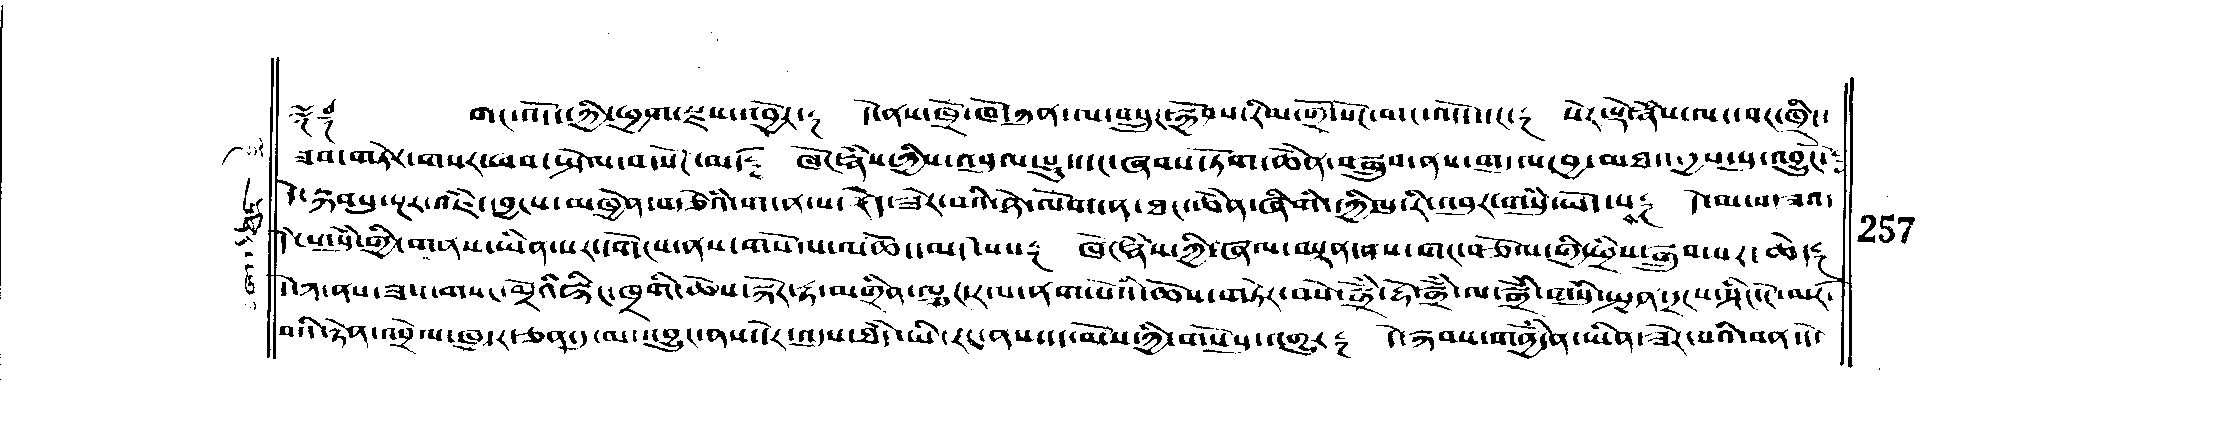གང་འདོད་ཀྱི་ཕྱག་རྫས་འབྱོར། དེ་ནས་ཁྲོ་ཁོ་ཀུན་ལ་སྲུང་སྐྱོབས་རིམ་གྲོ་སོགས་གང་འདོད་དང་། སེར་སྡེ་རྣམས་ལ་དབང་ཁྲིད་
ཟབ་གཏེར་གསར་ཕབ་སྤེལ་བ་སོགས་མཛད། ཁོང་རྣམས་ཀྱིས་འབུལ་སྡུད་དང་ཞབས་ཏོག་ཆེན་པོ་བསྒྲུབ་ནས་གདུལ་བྱ་མཐའ་རྒྱས་སུ་འབྱུང་ངོ་། 
དེ་སྐབས་སུ་སྔར་འཇམ་དབྱངས་མཁྱེན་བརྩེའི་གདན་ས་རེད་ཟེར་བའི་ཉེ་ལོགས་ན་ཐང་ཆེན་པོ་ཞིག་གི་དཀྱིལ་དུ་འབུར་གསུམ་ཡོད་པས། དེ་མ་གཟའ་
དམ་གསུམ་གྱི་གནས་ཡིན་པར་དགོངས་ནས་གསོལ་མཆོད་མཛད་པས། ཁོང་རྣམས་ཀྱི་ཞལ་བསྟན་ནས་གང་བཅོལ་གྱི་ཕྲིན་ལས་སྒྲུབ་པར་ཆེད༼འཆེས?༽། 
དེ་ཀ་ནས་ཟབ་གསང་མཁའ་འགྲོའི་སྙིང་ཁྲག་གི་ཆོས་སྐོར་རྟ་མགྲིན་ལྕགས་རལ་ནག་པོའི་ཆོས་གཏེར་བསེ་སྒྲོམ་རྡོ་སྒྲོམ་ལ་སྒྲོམ་གསུམ་སྤྱན་དྲངས་ཤིང་ངོ་མཚར་
བའི་རྟེན་འབྲེལ་ཁྱད་པར་ཅན་དུ་མ་བྱུང་ནས་དེར་འདུས་ཐམས་ཅད་ཡི་རང་ནས་དད་མོས་ཀྱི་གསོས་སུ་འགྱུར། དེ་སྐབས་གནོད་སྦྱིན་ཡིན་ཟེར་བའི་བནྡེ་